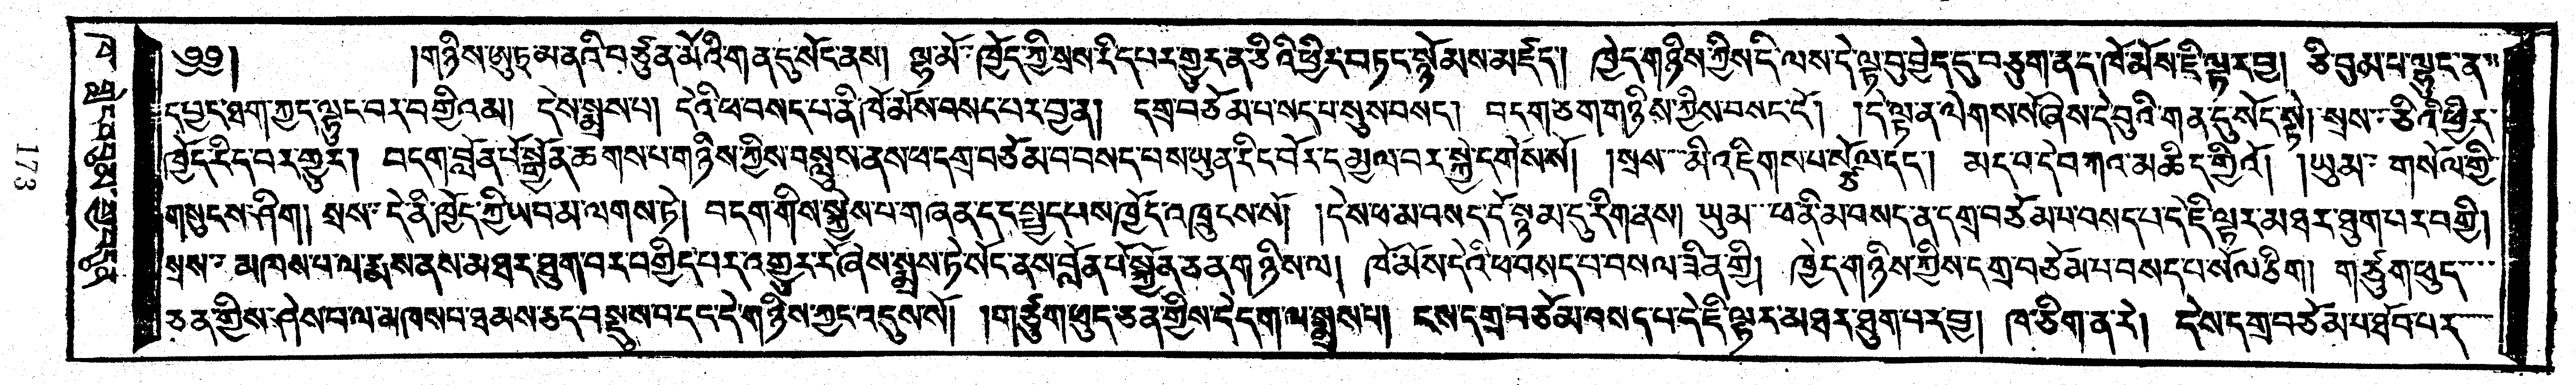༄༅། །གཉིས་ཨུཏྲ་མ་ནའི་བཙུན་མོའི་གན་དུ་སོང་ནས། ལྷ་མོ་ཁྱོད་ཀྱི་སྲས་རི་དཔར་གྱུར་ན་ཅིའི་ཕྱིར་བཏང་སྙོམས་མཛད། ཁྱེད་གཉིས་ཀྱིས་དེ་ལས་དེ་ལྟ་བུ་བྱེད་དུ་བཅུག་ནད་ཁོ་མོས་ཇི་ལྟར་བྱ། ཅི་བུམ་པ་ལྷུང་ན་
དཔྱད་ཐག་ཀྱང་ལྟུང་བར་བགྱིའམ། དེས་སྨྲས་པ། དེའི་ཕ་བསད་པ་ནི་ཁོ་མོས་བསང་པར་བྱ་ན། དགྲ་བཅོམ་པ་སད་པ་སུས་བསད། བདག་ཅག་གཉིས་ཀྱིས་བསང་ངོ། །དེ་ལྟ་ན་ལེགས་སོ་ཞེས་དེ་བུའི་གན་དུ་སོང་སྟེ། སྲས་ཅིའི་ཕྱིར་
ཁྱོད་རིད་བར་གྱུར། བདག་བློན་པོ་སྒྱོན་ཆགས་པ་གཉིས་ཀྱིས་བསླུས་ནས་ཕ་དགྲ་བཅོམ་བ་བསད་པས་ཡུན་རིང་བོར་དམྱལ་བར་སྐྱེ་དགོས་སོ། །སྲས་མི་འཇིགས་པ་སྩོལ་དད། མད་པ་དེ་བཀའ་མཆིད་གྱིའོ། །ཡུམ་གསོལ་གྱི་
གསུངས་ཤིག། སྲས་དེ་ནི་ཁྱོད་ཀྱི་ཡབ་མ་ལགས་ཏེ། བདག་གིས་སྐྱེས་པ་གཞན་དང་སྤྱད་པས་ཁྱོད་འཁྲུངས་སོ། །དེས་ཕ་མ་བསད་དོ་སྙམ་དུ་རིག་ནས། ཡུམ་ཕ་ནི་མ་བསད་ན་དགྲ་བཅོམ་པ་བསད་པ་དེ་ཇི་ལྟར་མཐར་ཐུག་པར་བགྱི།
སྲས་མཁས་པ་ལ་རྨས་ནས་མཐར་ཐུག་བར་བགྱིད་པར་འགྱུར་རོ་ཞེས་སྨྲས་ཏེ་སོང་ནས་བློན་པོ་སྐྱོན་ཅན་གཉིས་ལ། ཁོ་མོས་དེའི་ཕ་བསད་པ་བསལ་ཟིན་གྱི། ཁྱེད་གཉིས་ཀྱིས་དགྲ་བཅོམ་པ་བསད་པ་སོལ་ཅིག། གཙུག་ཕུད་
ཅན་གྱིས་ཤེས་པ་ལ་མཁས་པ་ཐམས་ཅད་བསྡུས་པ་དང་དེ་གཉིས་ཀྱང་འདུས་སོ། །གཙུག་ཕུད་ཅན་གྱིས་དེ་དག་ལ་སྨྲས་པ། ངས་དགྲ་བཅོམ་བསད་པ་དེ་ཇི་ལྟར་མཐར་ཐུག་པར་བྱ། ཁ་ཅིག་ན་རེ། དེས་དགྲ་བཅོམ་པ་ཐོབ་པར་